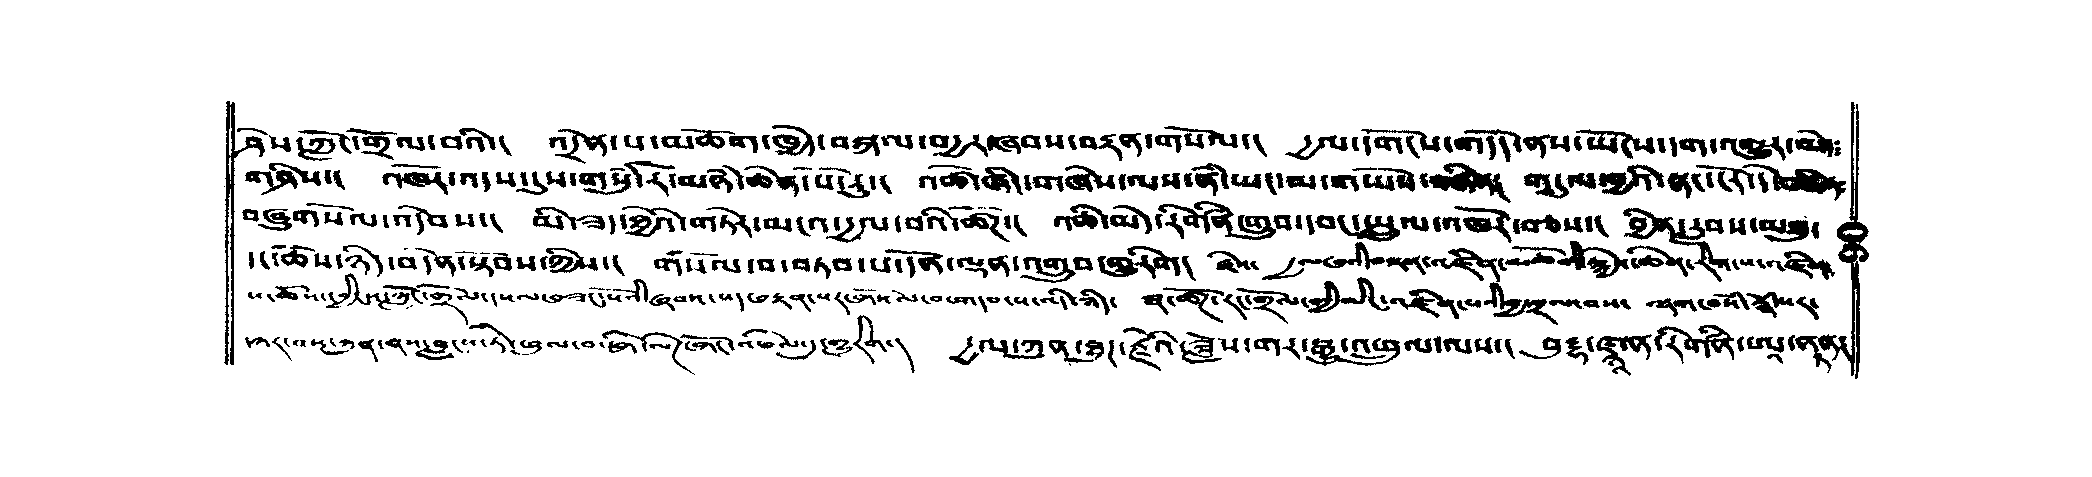ཤེས་ཀློང་གྲོལ་བའི། །འདྲེན་པ་མཆོག་ཁྱེད་བསྐལ་བརྒྱར་ཞབས་བརྟན་གསོལ། །རྒྱལ་དགོངས་གདོད་ནས་ཡོངས་དག་འགྱུར་མེད་
གཤིས། །འཁོར་འདས་དུས་གསུམ་རོ་མཉམ་ཆེན་པོ་རུ། །འཚོ་ཞིང་གཞེས་ལས་ནམ་ཡང་མ་གཡོས་བཞིན། །གདུལ་བྱའི་སྣང་ངོར་དེ་བཞིན་
བཞུགས་གསོལ་འདེབས། །མི་ཟད་ཐུགས་རྗེའི་གཏེར་མངའ་རྒྱལ་བའི་ཚོགས། །འཆི་མེད་རིག་འཛིན་གྲུབ་དབང་སྤྲུལ་འཁོར་བཅས། །བྱིན་རླབས་མཐུ་
དང་ཆོས་ཉིད་བདེན་སྟོབས་ཀྱིས། །གསོལ་བ་བཏབ་པ་དོན་ལྡན་འགྲུབ་གྱུར་ཅིག ཅེས་རྒྱལ་བའི་བསྟན་འཛིན་མཆོག་གི་སྐྱེས་ཆེན་རིག་པ་འཛིན་
པ་ཆོས་དབྱིངས་ཀློང་གྲོལ་དཔལ་བཟང་པོའི་ཞབས་པད་བརྟན་པར་གསོལ་བ་གདབ་པ་འདི་ཉིད། སྣ་ཚོགས་རང་གྲོལ་གྱི་མིང་འཛིན་པའི་བྱ་བྲལ་བས། ལྷག་བསམ་རྣམ་པར་
དཀར་བས་ཀུན་ནས་བླངས་ཏེ་ཕུལ་བ་དགེ་ལེགས་གོང་འཕེལ་དུ་གྱུར་ཅིག། རྒྱལ་ཀུན་ཐུགས་རྗེའི་ཟློས་གར་སྒྱུ་འཕྲུལ་ལས། །བུདྡྷ་ཛྙཱ་ན་རིག་འཛིན་ཨཱ་ནནྟ།